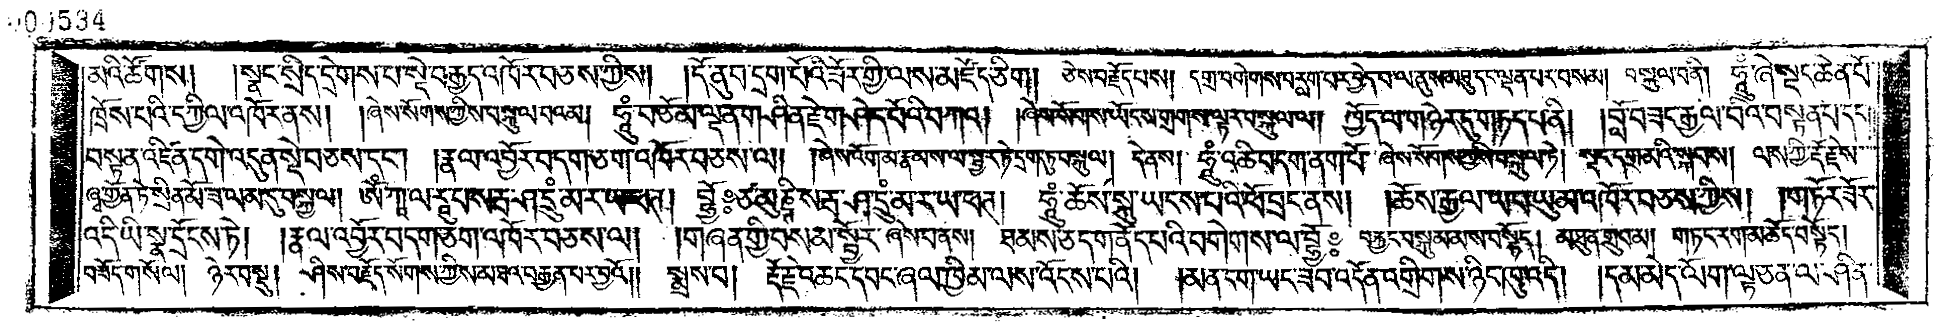མའི་ཚོགས། །སྣང་སྲིད་དྲེགས་པ་སྡེ་བརྒྱད་འཁོར་བཅས་ཀྱིས། །དོ་ནུབ་དྲག་པོའི་ཟོར་གྱི་ལས་མཛོད་ཅིག ། ཅེས་བརྗོད་པས། དགྲ་བགེགས་བརླག་པར་བྱེད་པ་ལ་ནུས་མཐུ་དང་ལྡན་པར་བསམ། བསྐུལ་བ་ནི།  ཧཱུཾ་ཞེ་སྡང་ཆེན་པོ་
ཁྲོས་པའི་དཀྱིལ་འཁོར་ནས། །ཞེས་སོགས་ཀྱིས་བསྐུལ་བའམ།  ཧཱུཾ་བཅོམ་ལྡན་གཤིན་རྗེ་གཤེད་པོའི་བཀའ། །ཞེས་སོགས་ཡོངས་གྲགས་ལྟར་བསྐུལ་ལ།  ཁྱོད་ལ་གཉེར་དུ་གཏད་པ་ནི། །བློ་བཟང་རྒྱལ་བའི་བསྟན་པ་དང།།
བསྟན་འཛིན་དགེ་འདུན་སྡེ་བཅས་དང་། །རྣལ་འབྱོར་བདག་ཅག་འཁོར་བཅས་ལ། །ཞེས་འོག་མ་རྣམས་ལ་སྦྱར་ཏེ་དྲག་ཏུ་བསྐུལ། དེ་ནས།  ཧཱུཾ་འཆི་བདག་ནག་པོ་ཞེས་སོགས་ཀྱིས་བསྐུལ་ཏེ། སྡང་དགྲ་མའི་སྐབས། ལས་ཀྱི་རྡོ་རྗེས་
ཞྭ་གྱོན་ཏེ་སྲིན་མོ་ཟ་ལམ་དུ་བསྐྱལ། ཨོཾ་ཀཱ་ལ་རཱུ་པ་སརྦ་ཤ་དྲུཾ་མ་ར་ཡ་ཕཊ། བྷྱོཿ ཙ་མུཎྚི་སརྦ་ཤ་དྲུཾ་མ་ར་ཡ་ཕཊ། ཧཱུཾ་ཆོས་སྐུ་ཡངས་པའི་ཕོ་བྲང་ནས། །ཆོས་རྒྱལ་ཡབ་ཡུམ་འཁོར་བཅས་ཀྱིས། །གཏོར་ཟོར་
འདི་ཡི་སྣ་དྲོངས་ཏེ། །རྣལ་འབྱོར་བདག་ཅག་འཁོར་བཅས་ལ། །གཞན་གྱི་བསམ་སྦྱོར་ཞེས་པ་ནས།  ཐམས་ཅད་གནོད་པའི་བགེགས་ལ་བྷྱོཿ བརྐྱང་བསྐུམ་མས་བསྟོད། མཐུན་གྲུབ་མ། གཏང་རག་མཆོད་བསྟོད།
བཟོད་གསོལ། ཉེར་བསྡུ། ཤིས་བརྗོད་སོགས་ཀྱིས་མཐའ་བརྒྱན་པར་བྱའོ། ། སྨྲས་པ། རྡོ་རྗེ་འཆང་དབང་ཞལ་ཁྱིམ་ལས་འོངས་པའི། །མན་ངག་ཡང་ཟབ་འདོན་འགྲིགས་ཉིང་ཁུ་འདི། །དམ་མེད་ལོག་ལྟ་ཅན་ལ་ཤིན་